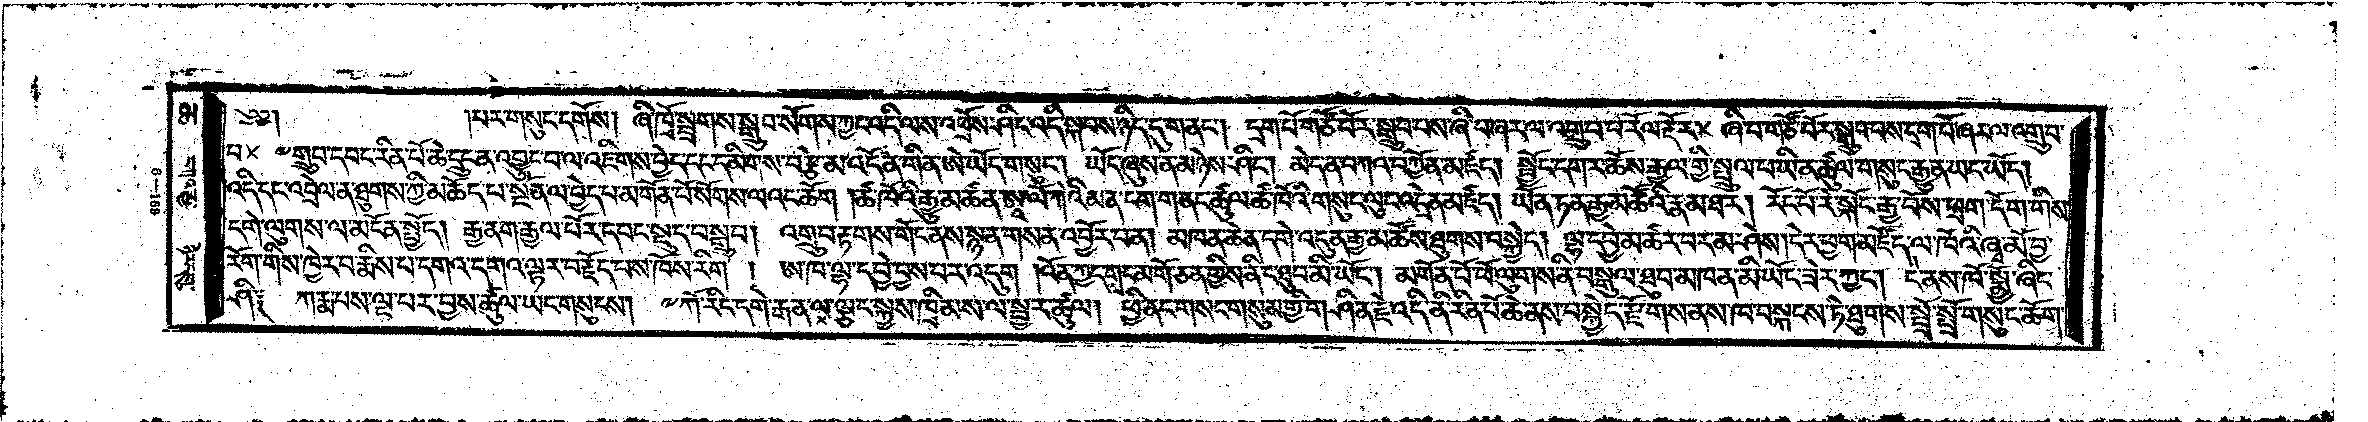༄༅། །པར་གསུངས་དགོས། ཞི་ཁྲོ་སྦྲགས་སྒྲུབ་སོགས་ཀྱང་འདི་ལས་འཕྲོས་ཤིང་འདི་སྐབས་ཉིད་དུ་གནང་། དྲག་པོ་གཙོ་བོར་སྒྲུབ་པས་ཞི་བ་ཞར་ལ་འགྲུབ་པ་རོལ་རྡོར་྾་ཞི་བ་གཙོ་བོར་སྒྲུབ་པས་དྲག་པོ་ཞར་ལ་འགྲུབ་
པ་྾ ༧་གྲུབ་དབང་རིན་པོ་ཆེ་དྲུང་ན་འབྱུང་བ་ལ་འཇིགས་བྱེད་དང་དམིགས་བརྩེ་མ་འདོན་གིན་ཨེ་ཡོད་གསུང་། ཡོད་ཞུས་ན་མཉེས་ཤིང་། མེད་ན་བཀའ་བཀྱོན་མཛད། སྦྱོང་དག་ར་ཆོས་རྒྱལ་གྱི་སྤྲུལ་ཕ་ཡིན་ཚུལ་གསུང་རྒྱུན་ཡང་ཡོད།
འདི་དང་འབྲེལ་ན་ཐུགས་ཀྱི་མཆོད་པ་སྔོན་ལ་བྱེད་པ་མགོན་པོ་སོགས་ལའང་ཆོག །ཚ་ཁོའི་རྒྱུ་མཚན་ཨཱ་ལོ་ཀེའི་མན་ངག་གནང་ཚུལ་ཚ་ཁོའི་གསུང་ལུང་འདྲེན་མཛད། ཡོན་ཏན་རྒྱ་མཚོའི་རྣམ་ཐར། རོང་པོ་རེ་སྐོང་རྒྱ་བོས་ཕྲག་དོག་གིས་
དགེ་ལུགས་ལ་མངོན་སྤྱོད། རྒྱ་ནག་རྒྱལ་པོར་དབང་སྡུད་བསྒྲུབ། འགྲུབ་རྟགས་གོང་ནས་སྙན་གསན་འབྱོར་བ་ན། མཁན་ཆེན་དགེ་འདུན་རྒྱ་མཚོས་ཐུགས་བསྐྱེད། ལྷ་དབྱེ་མཚར་བར་མ་ཤེས། དེར་ཕྱག་མཛོད་ལ་ཁོའི་ཞྭ་མོ་བྱ་
རོག་གིས་ཁྱེར་བ་རྨིས་པ་དགའ་དགའ་ལྟར་བརྗོད་པས་ཁོས་རིག །ཨ་ཁ་ལྷ་དབྱེ་བྱས་པར་འདུག །འོན་ཀྱང་གླང་མགོ་ཅན་གྱིས་ནིང་ཐུབ་མི་ཡོང་། མགོན་པོ་ཕོ་ལུགས་ནི་བསྒུལ་ཐུབ་མཁན་མི་ཡོང་ཟེར་ཀྱང་། དེ་ནས་ཁོ་སྨྱོ་ཞིང་
ཤི༑ ཀརྨ་པས་ལྔ་པར་བྱས་ཚུལ་ཡང་གསུངས། ༧་ཀོ་རིང་དགེ་རྒན་ལ྾་ལྕང་སྐྱས་ཁྲིམས་ལ་སྦྱར་ཚུལ། ཕྱི་ནང་གསང་གསུམ་གྱི་གཤིན་རྗེ་འདི་ནི་རིན་པོ་ཆེ་ནས་བསྐྱེད་རྫོགས་ནས་ཁ་བསྐངས་ཏེ་ཐུགས་སྤྲོ་སྤྲོ་གསུང་ཆོག་